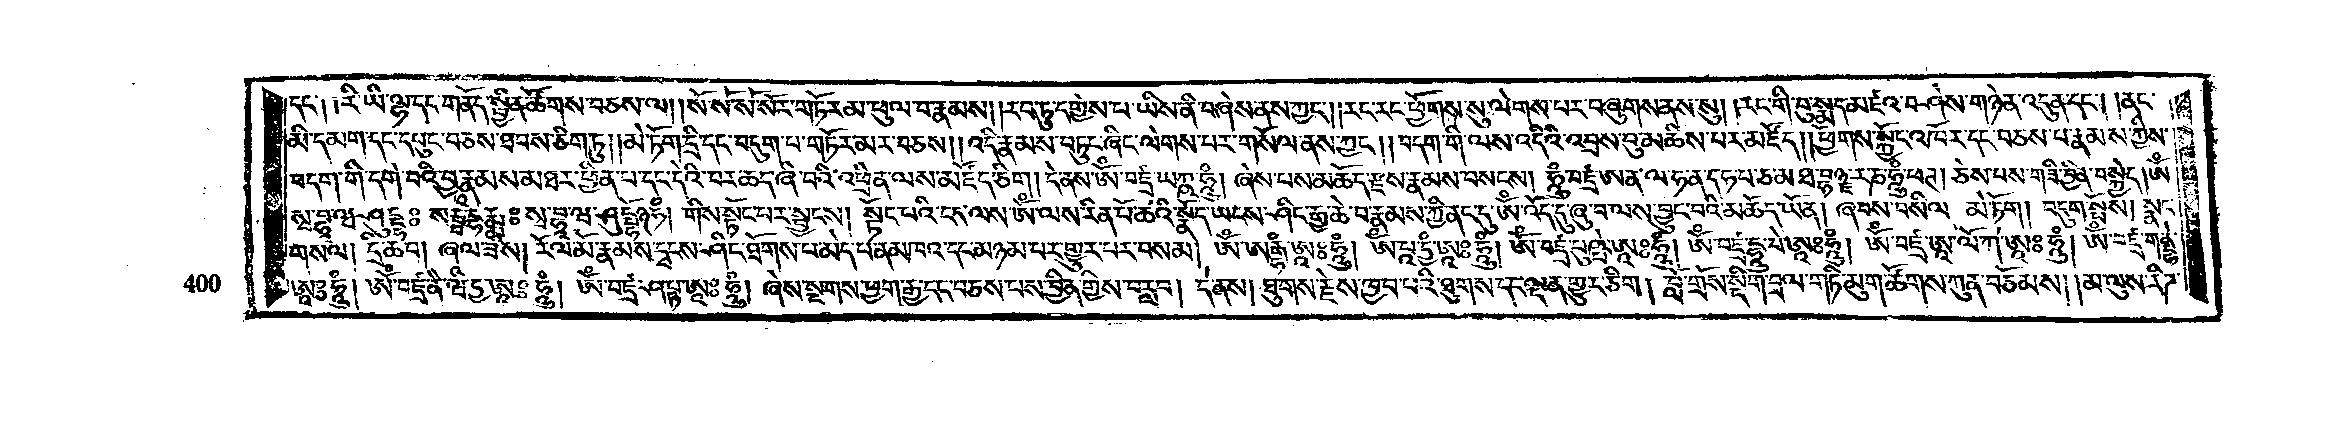དང་། །རི་ཡི་ལྷ་དང་གནོད་སྦྱིན་ཚོགས་བཅས་ལ། །སོ་སོ་སོ་སོར་གཏོར་མ་ཕུལ་བ་རྣམས། །རབ་ཏུ་དགྱེས་པ་ཡིས་ནི་བཞེས་ནས་ཀྱང་། །རང་རང་ཕྱོགས་སུ་ལེགས་པར་བཞུགས་ནས་སུ། །རང་གི་བུ་སྨད་མཛའ་བཤེས་གཉེན་འདུན་དང་། །ནང་
མི་དམག་དང་དཔུང་བཅས་ཐབས་ཅིག་ཏུ། །མེ་ཏོག་དྲི་དང་བདུག་པ་གཏོར་མར་བཅས། །འདི་རྣམས་བཏུང་ཞིང་ལེགས་པར་གསོལ་ནས་ཀྱང་། །བདག་གི་ལས་འདིའི་འབྲས་བུ་མཆིས་པར་མཛོད། །ཕྱོགས་སྐྱོང་འཁོར་དང་བཅས་པ་རྣམས་ཀྱིས་
བདག་གི་དགེ་བའི་བྱ་བ་རྣམས་མཐར་ཕྱིན་པ་དང་དེའི་བར་ཆད་ཞི་བའི་འཕྲིན་ལས་མཛོད་ཅིག །དེ་ནས་ཨོཾ་བཛྲ་ཡཀྵ་ཧཱུཾ། ཞེས་པས་མཆོད་རྫས་རྣམས་བསངས། ཧཱུཾ་བཛྲ་ཨ་ན་ལ་ཧ་ན་ད་ཧ་པ་ཅ་མ་ཐ་བྷཉྫ་ར་ཎ་ཧཱུཾ་ཕཊ། ཅེས་པས་གཟི་བྱིན་བསྐྱེད། ཨོཾ་
སྭ་བྷཱ་ཝ་ཤུདྡྷཿ སརྦྦ་དྷརྨྨཱཿ སྭ་བྷཱ་ཝ་ཤུདྡྷོ་ཉཧཾ། གིས་སྟོང་པར་སྦྱངས། སྟོང་པའི་ངང་ལས་ཨོཾ་ལས་རིན་པོ་ཆེའི་སྣོད་ཡངས་ཤིང་རྒྱ་ཆེ་བ་རྣམས་ཀྱི་ནང་དུ་ཨོཾ་འོད་དུ་ཞུ་བ་ལས་བྱུང་བའི་མཆོད་ཡོན། ཞབས་བསིལ། མེ་ཏོག །བདུག་སྤོས། སྣང་
གསལ། དྲི་ཆབ། ཞལ་ཟས། རོལ་མོ་རྣམས་དྭངས་ཤིང་ཐོགས་པ་མེད་པ་ནམ་མཁའ་དང་མཉམ་པར་གྱུར་པར་བསམ། ཨོཾ་ཨརྒྷཾ་ཨཱཿ ཧཱུཾ། ཨོཾ་པཱ་དཡཾ་ཨཱཿ ཧཱུཾ། ཨོཾ་བཛྲ་པུཥྤེ་ཨཱཿ ཧཱུཾ། ཨོཾ་བཛྲ་དྷཱུ་པེ་ཨཱཿ ཧཱུཾ། ཨོཾ་བཛྲ་ཨཱ་ལོ་ཀེ་ཨཱཿ ཧཱུཾ། ཨོཾ་བྫྲ་གནྡྷེ་
ཨཱཿ ཧཱུཾ། ཨོཾ་བྫྲ་ནཻ་ཝི་དཡ་ཨཱཿ ཧཱུཾ། ཨོཾ་བྫྲ་ཤཔྟ་ཨཱཿ ཧཱུཾ། ཞེས་སྔགས་ཕྱག་རྒྱ་དང་བཅས་པས་བྱིན་གྱིས་བརླབ། དེ་ནས། ཐུགས་རྗེས་ཁྱབ་པའི་ཐུགས་དང་ལྡན་གྱུར་ཅིག །བློ་གྲོས་སྡིག་བྲལ་གཏི་མུག་ཚོགས་ཀུན་བཅོམས། །མ་ལུས་རིཌ་